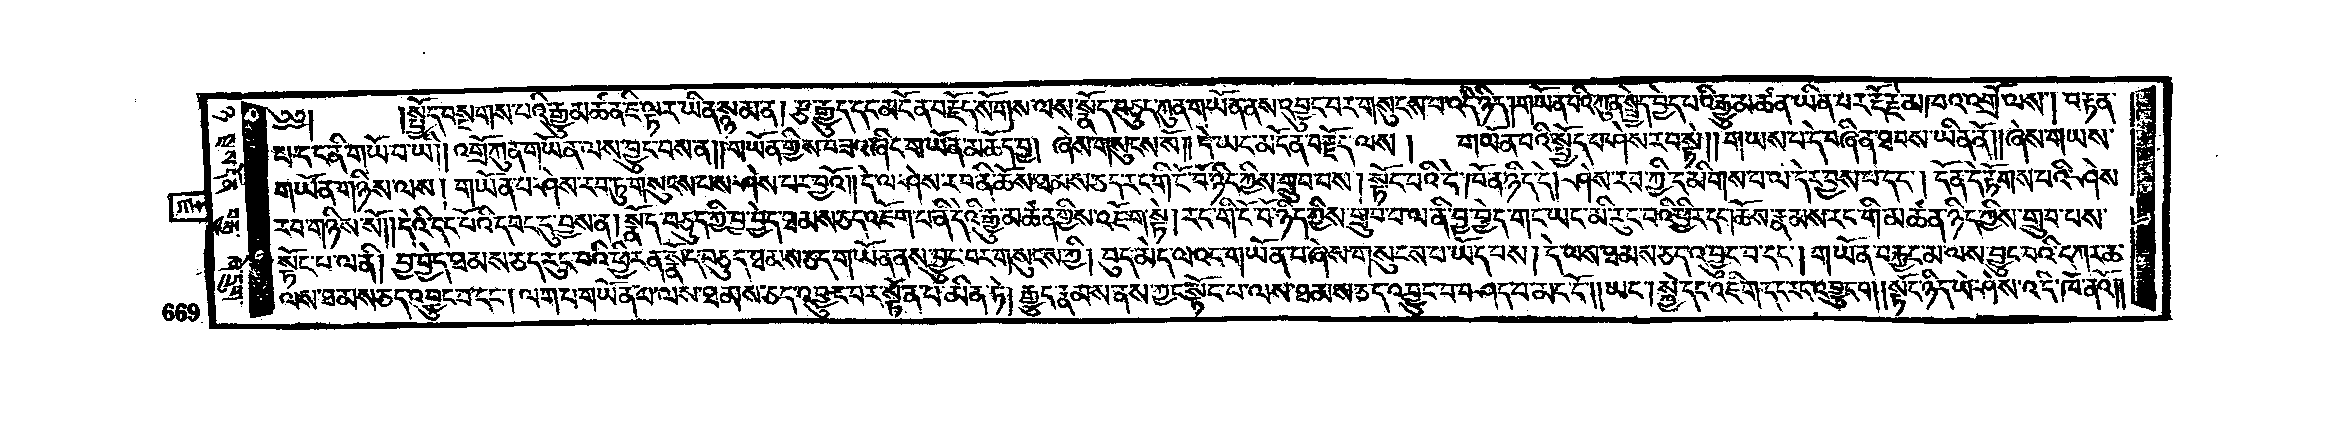༄༅། །སྤྱོད་བསྔགས་པའི་རྒྱུ་མཚན་ཇི་ལྟར་ཡིན་སྙམ་ན། རྩ་རྒྱུད་དང་མངོན་བརྗོད་སོགས་ལས་སྣོད་བཅུད་ཀུན་གཡོན་ནས་འབྱུང་བར་གསུངས་པ་འདི་ཉིད། གཡོན་པའི་ཀུན་སྤྱོད་བྱེད་པའི་རྒྱུ་མཚན་ཡིན་པར་རྡོ་རྗེ་མཁའ་འགྲོ་ལས། བརྟན་
པ་དང་ནི་གཡོ་བ་ཡི། །འགྲོ་ཀུན་གཡོན་ལས་བྱུང་བས་ན། །གཡོན་གྱིས་བཟའ་ཞིང་གཡོན་མཆོད་བྱ། ཞེས་གསུངས་སོ། །དེ་ཡང་མངོན་བརྗོད་ལས། གཡོན་པའི་སྤྱོད་པ་ཤེས་རབ་སྟེ། །གཡས་པ་དེ་བཞིན་ཐབས་ཡིན་ནོ། །ཞེས་གཡས་
གཡོན་གཉིས་ལས། གཡོན་པ་ཤེས་རབ་ཏུ་གསུངས་པས་ཤེས་པར་བྱའོ། །དེ་ལ་ཤེས་རབ་ནི་ཆོས་ཐམས་ཅད་རང་གི་ངོ་བོ་ཉིད་ཀྱིས་གྲུབ་པས། སྟོང་པའི་དེ་ཁོ་ན་ཉིད་དེ། ཤེས་རབ་ཀྱི་དམིགས་པ་ལ་དེར་བྱས་པ་དང་། དོན་དེ་རྟོགས་པའི་ཤེས་
རབ་གཉིས་སོ། །དེའི་དང་པོའི་དབང་དུ་བྱས་ན། སྣོད་བཅུད་ཀྱི་བྱ་བྱེད་ཐམས་ཅད་འཇོག་པ་ནི་དེའི་རྒྱུ་མཚན་གྱིས་འཇོག་སྟེ། རང་གི་ངོ་བོ་ཉིད་ཀྱིས་གྲུབ་པ་ལ་ནི་བྱ་བྱེད་གང་ཡང་མི་རུང་བའི་ཕྱིར་དང་། ཆོས་རྣམས་རང་གི་མཚན་ཉིད་ཀྱིས་གྲུབ་པས་
སྟོང་པ་ལ་ནི། བྱ་བྱེད་ཐམས་ཅད་རུང་བའི་ཕྱིར་ན་སྣོད་བཅུད་ཐམས་ཅད་གཡོན་ནས་བྱུང་བར་གསུངས་ཀྱི། བུད་མེད་ལའང་གཡོན་པ་ཞེས་གསུངས་པ་ཡོད་པས། དེ་ལས་ཐམས་ཅད་འབྱུང་བ་དང་། གཡོན་བརྐྱང་མ་ལས་བྱུང་བའི་དཀར་ཆ་
ལས་ཐམས་ཅད་འབྱུང་བ་དང་། ལག་པ་གཡོན་པ་ལས་ཐམས་ཅད་འབྱུང་བར་སྟོན་པ་མིན་ཏེ། རྒྱུད་རྣམས་ནས་ཀྱང་སྟོང་པ་ལས་ཐམས་ཅད་འབྱུང་བ་བཤད་པ་མང་ངོ། །ཡང་སྐྱེ་དང་འཇིག་དང་རང་འབྱུང་བ། །སྟོང་ཉིད་ཡེ་ཤེས་འདི་ཁོ་ནའོ། །